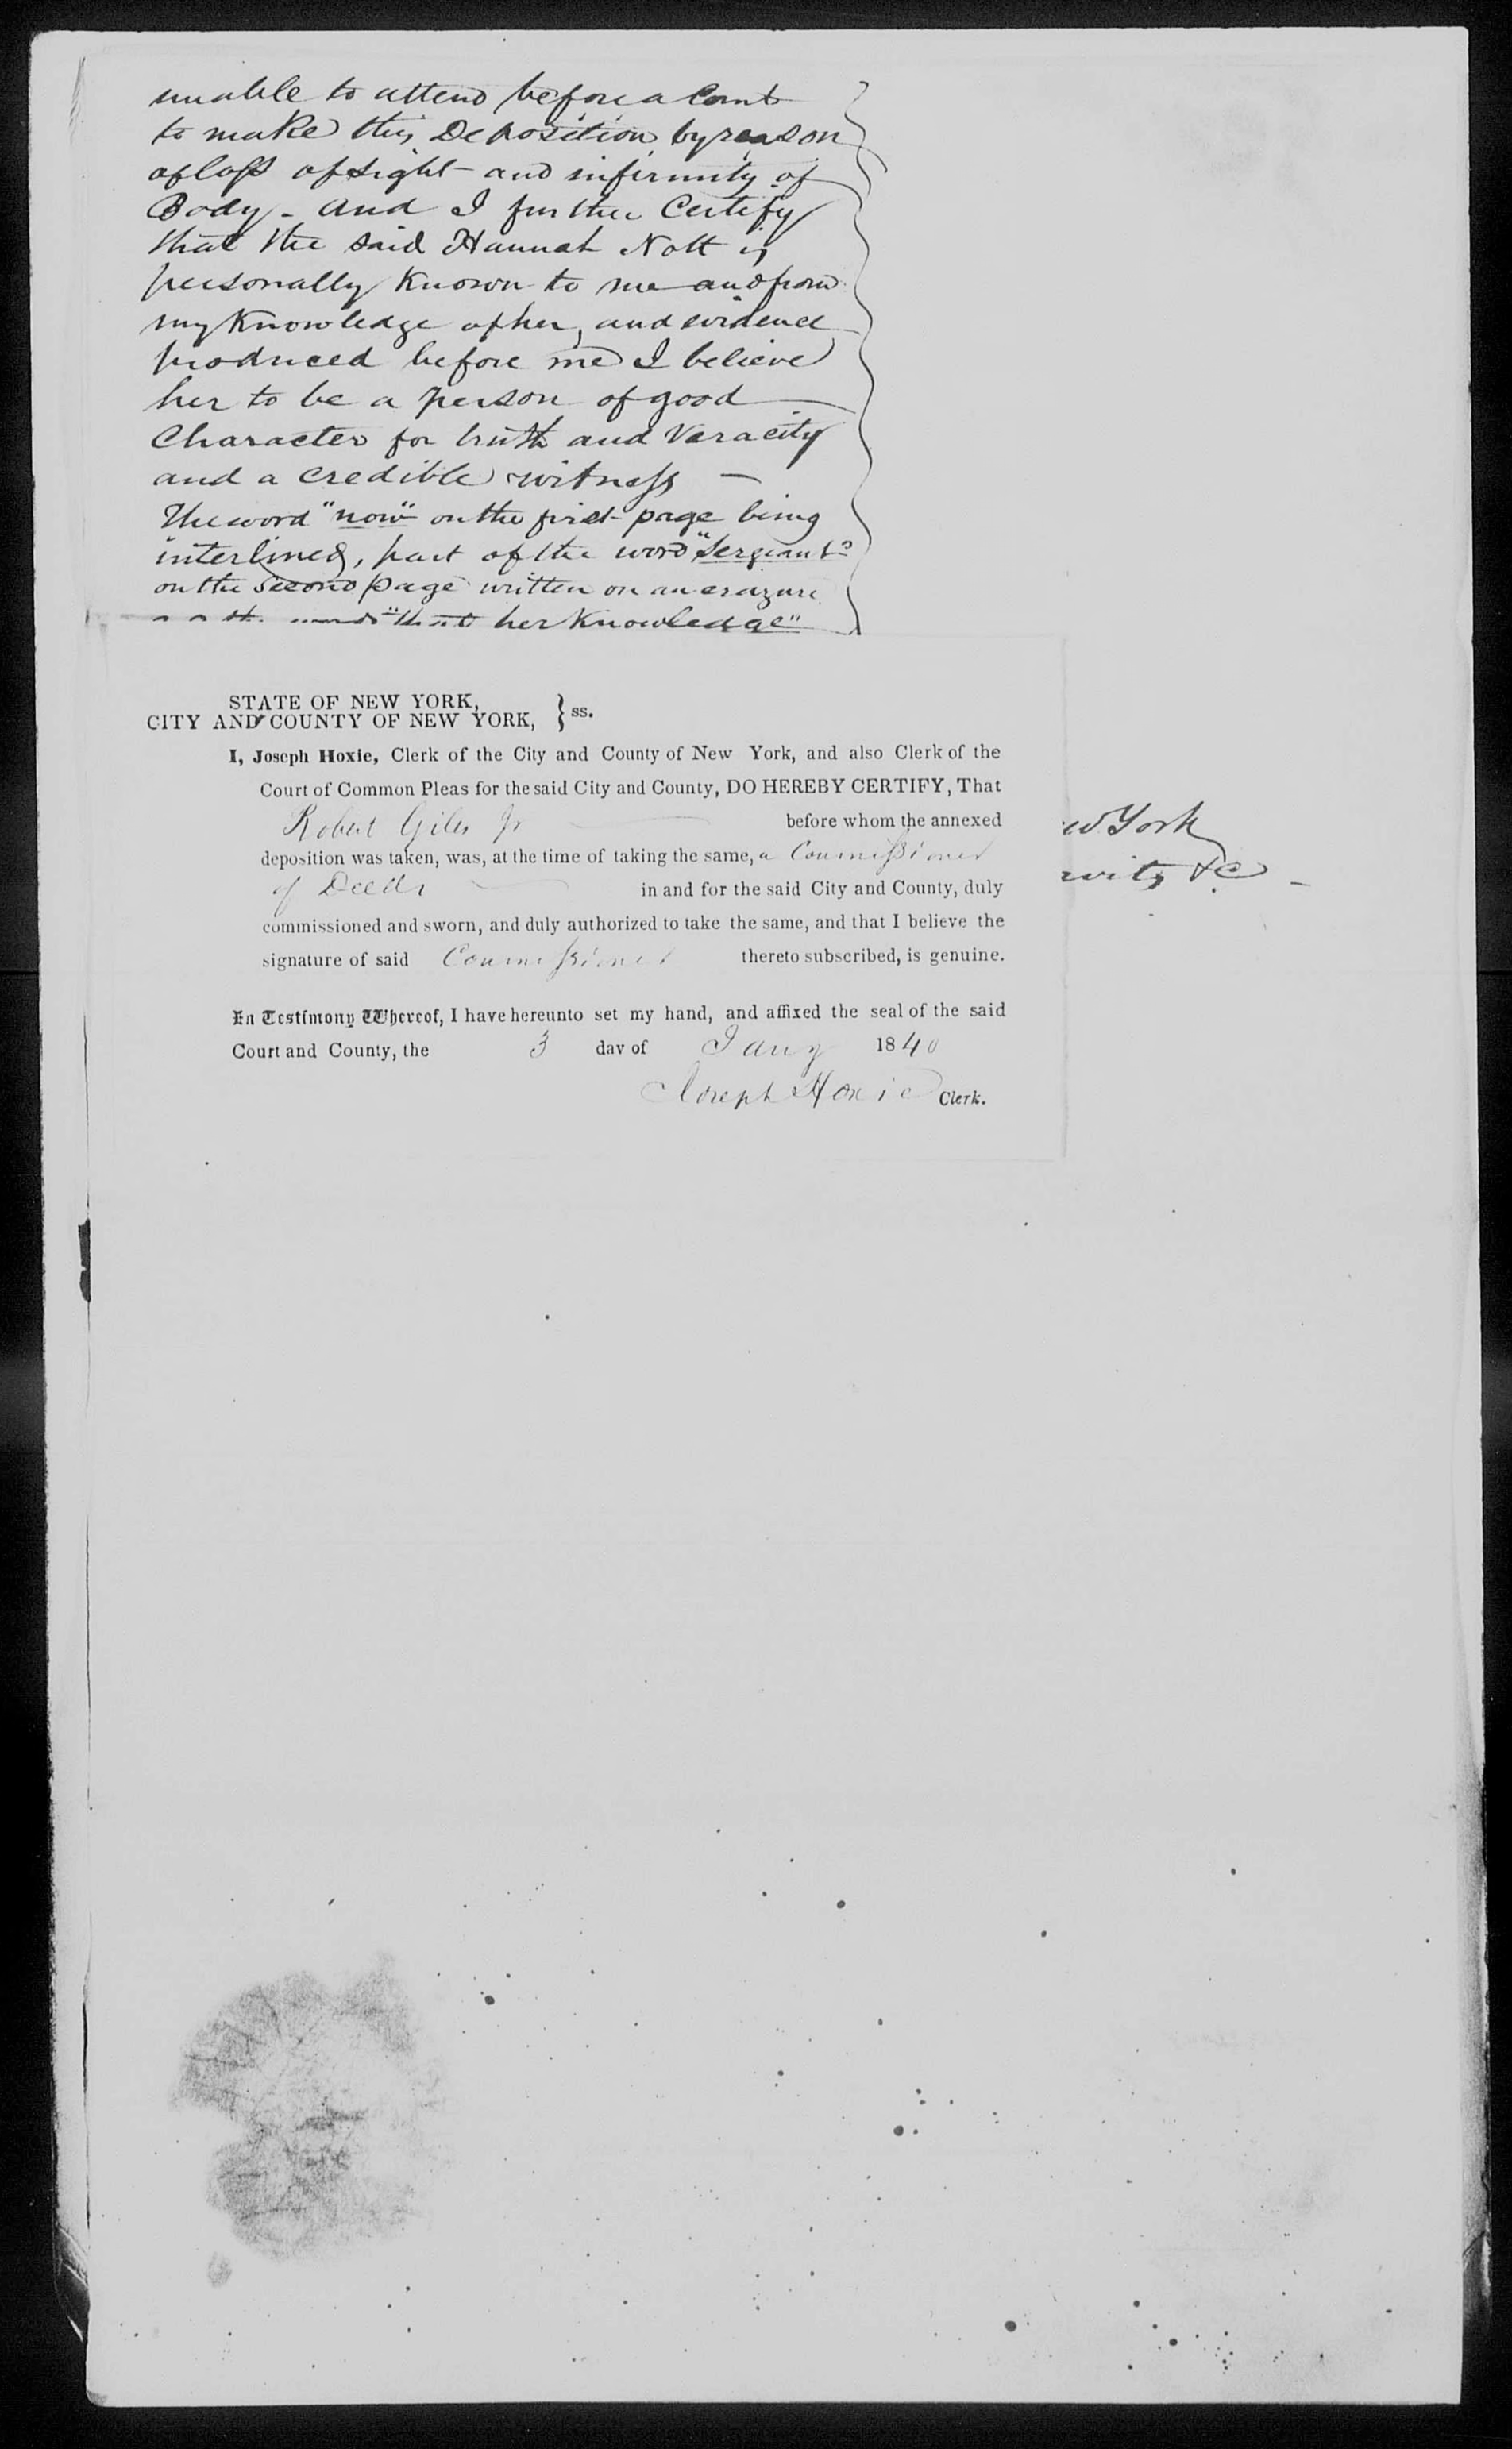unable to attend before a Court
to make this Deposition by reason
of loss of sight and infirmity of
Body and I further certify
that the said Hannah Nott is
personally known to me and from
my knowledge of her, and evidence
produced before me I believe
her to be a person of good
character for truth and veracity
and a credible witness
The word "now on the first page being
interlined, part of the word "Sergeant"
on the second page written on an erazure
and the words "that her knowledge"

STATE OF NEW YORK,                      }
CITY AND COUNTY OF NEW YORK, } ss.
I, Joseph Hoxie, Clerk of the City and County of New York, and also Clerk of the
Court of Common Pleas for the said City and County, DO HEREBY CERTIFY, That
   Robert Giles Jr               before whom the annexed
deposition was taken, was, at the time of taking the same, a Commissioner
of Deeds    in and for the said City and County, duly
commissioned and sworn, and duly authorized to take the same, and that I believe the
signature of said Commissioner thereto subscribed, is genuine.
In Testimony Whereof, I have hereunto set my hand, and affixed the seal of the said
Court and County, the    3 day of Jany 1840
                                Joseph Hoxie Clerk
ew York
with &c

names: Robert Giles, Hannah Nott, Joseph Hoxie, Joseph Hoxie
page: 12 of 56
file: [ILLEGIBLE], Jonah Benedict, Conn.